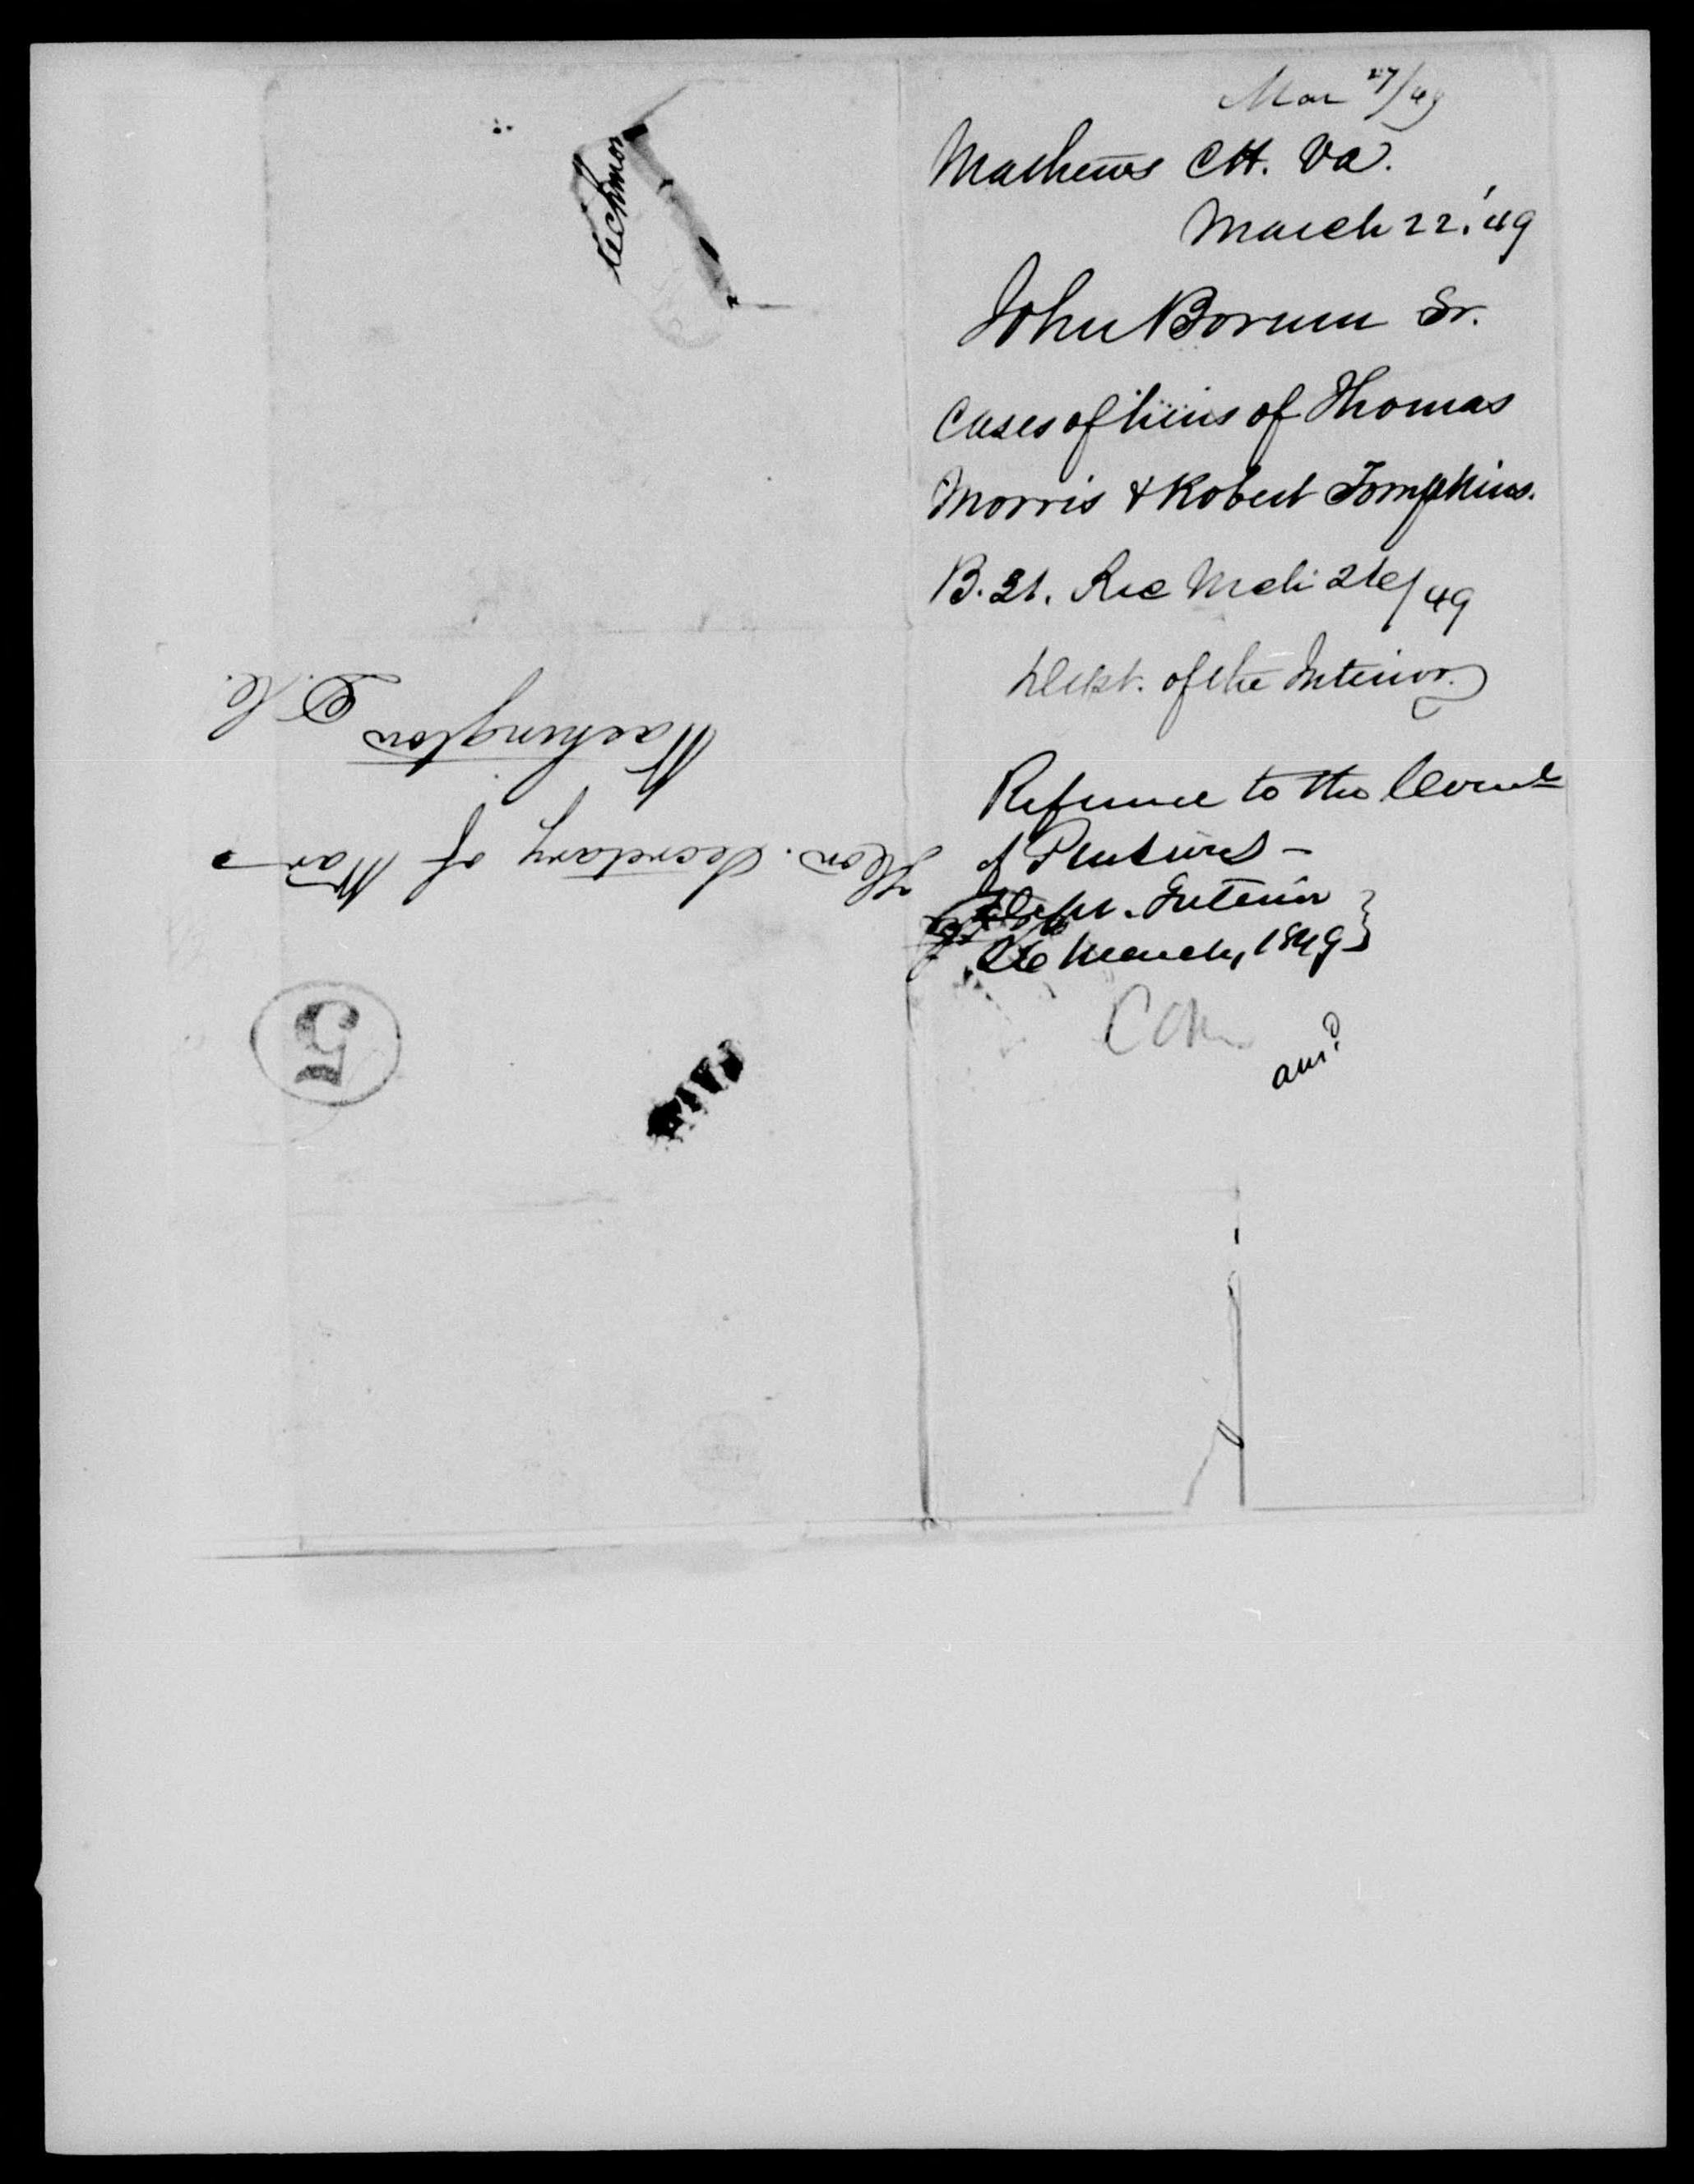[*Hon. Secretary of War Washington D.C.*]
[stamp, reading "5"] Hon. Secretary of War
Washington D. C.
Mar 27/49
Mathews CH. Va.
March 22, '49
John Borum Sr.
Cases of heirs of Thomas Morris & Robert Tompkins.
B. 21. Rec Mch 21/49
Dept. of the Interior
Reference to the Counsel of Pensions
Dept. Interior
26 March, 1849
am?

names: Robert Tompkins; Thomas Morris; John Borum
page: 11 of 30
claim: rejected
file: R. 16,555, for Thomas Morris, Georgia